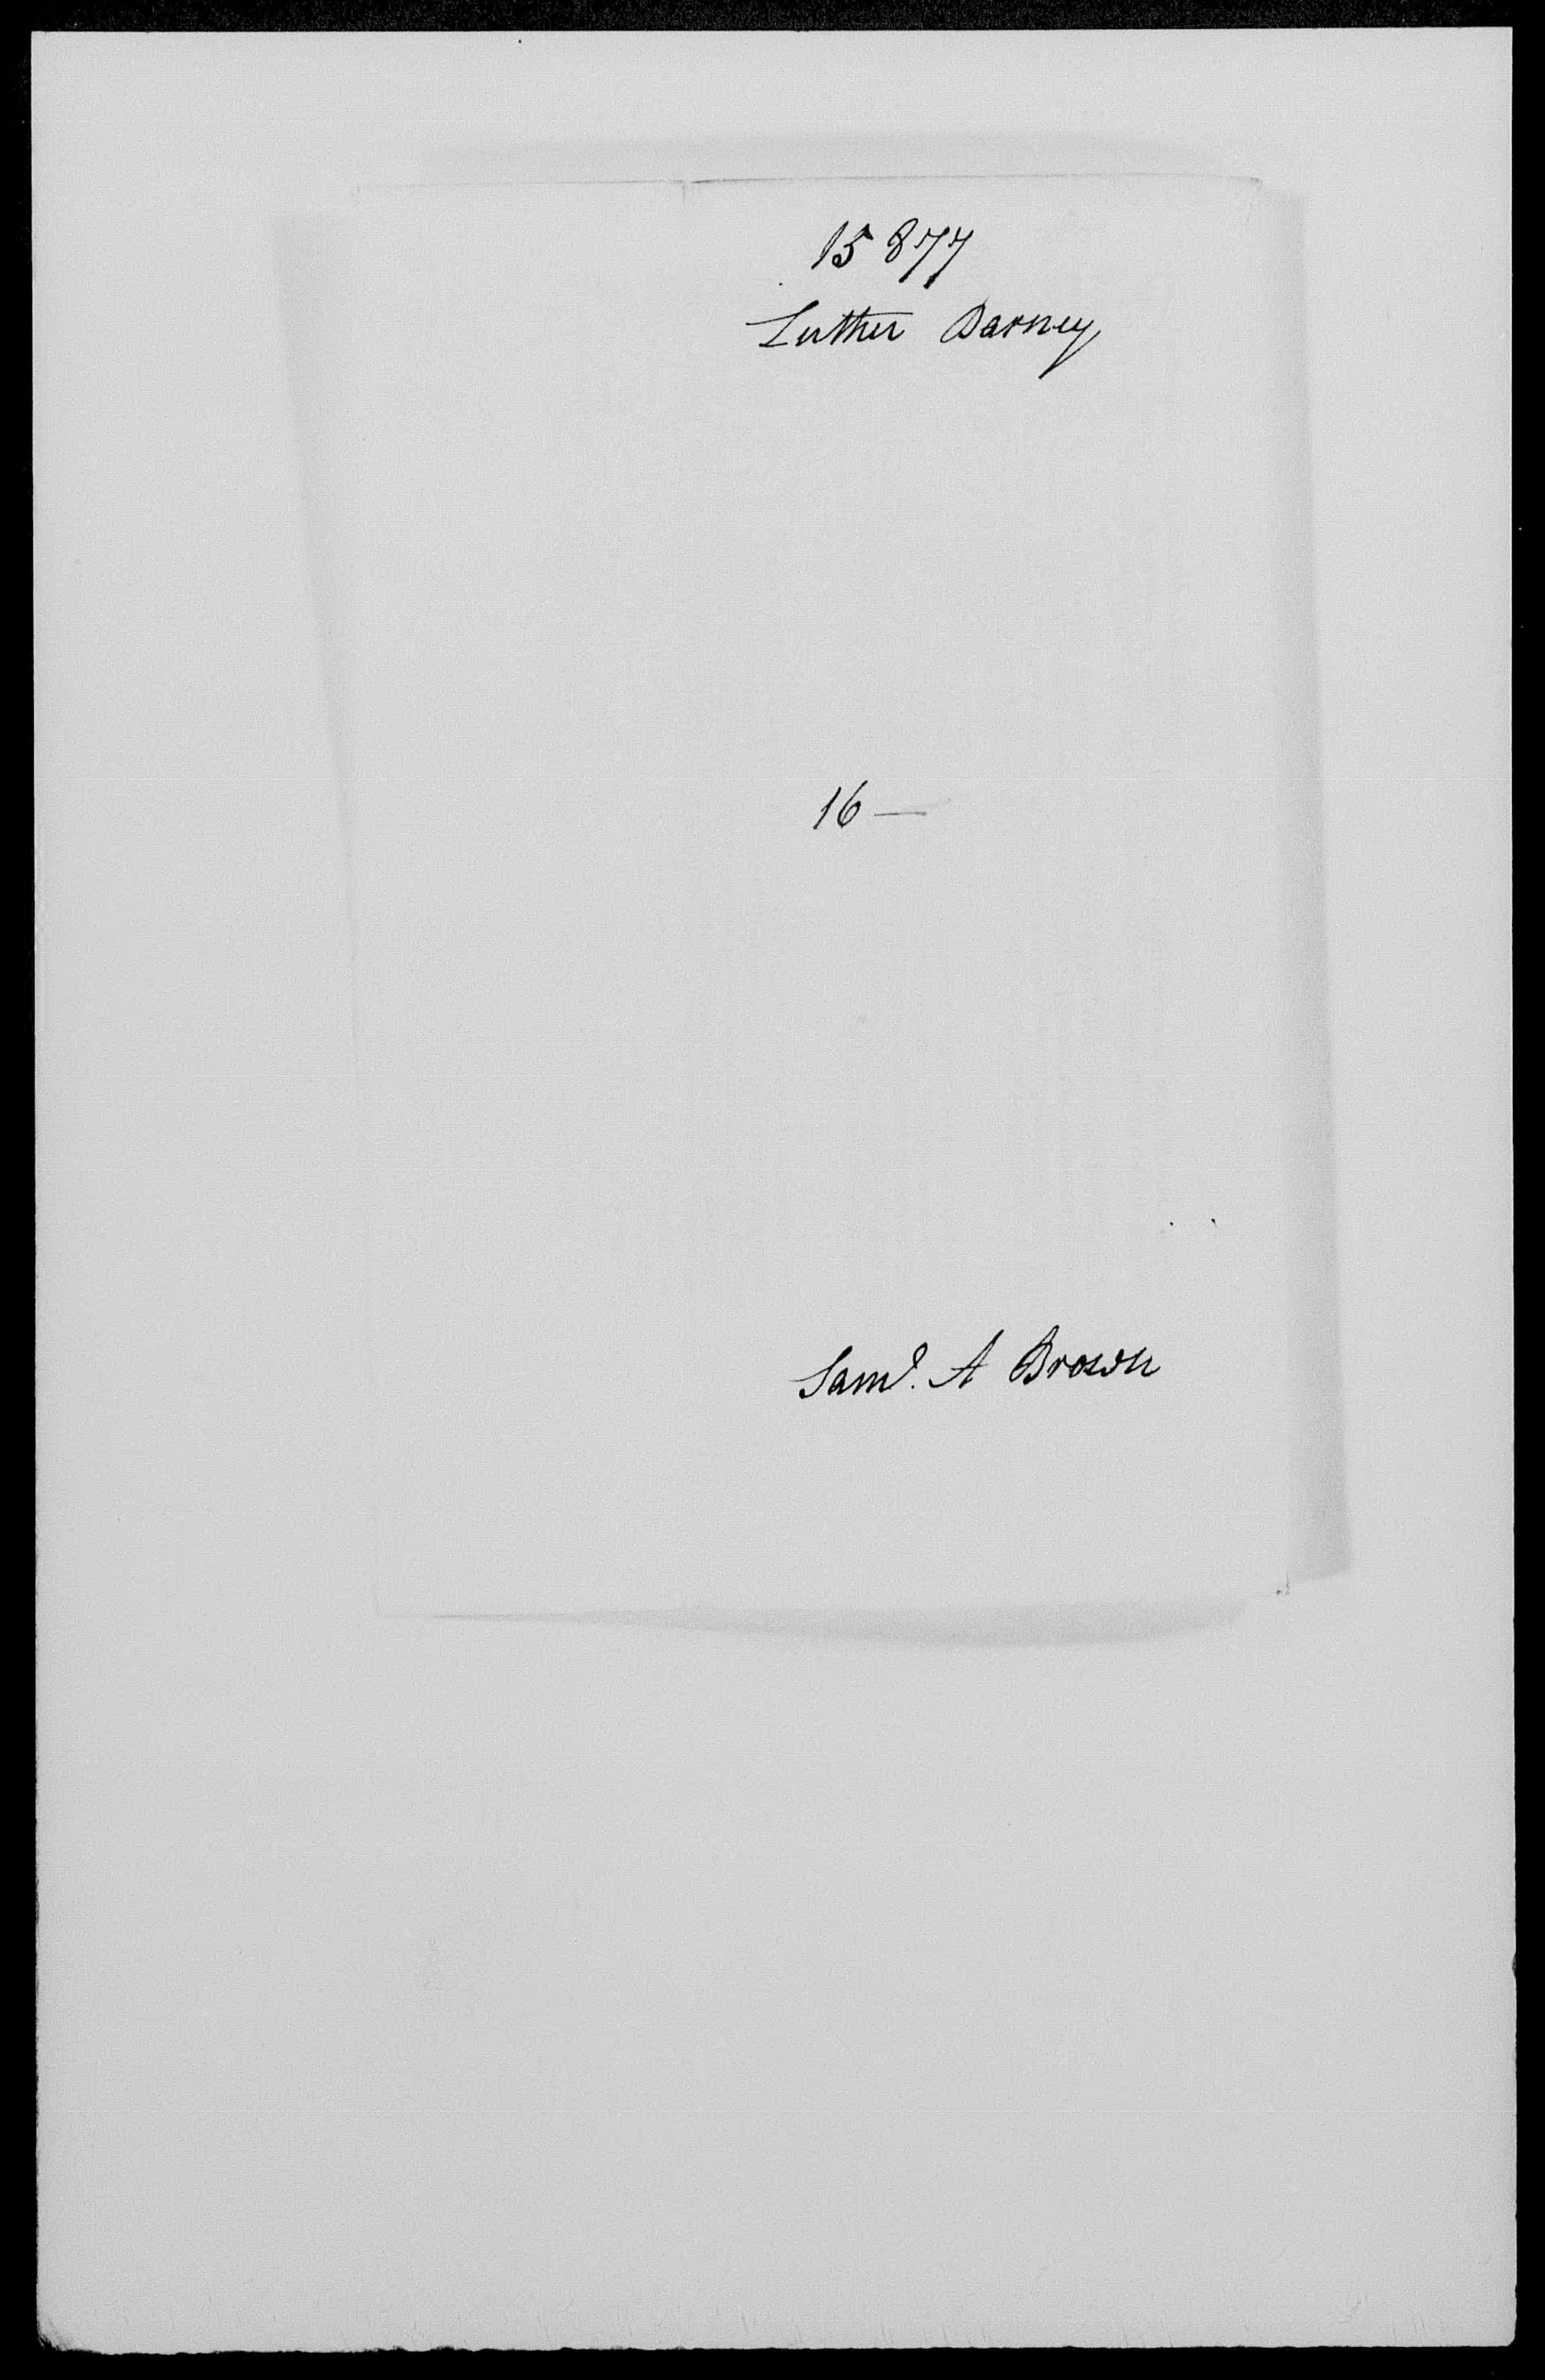15877
Luther Barney
16 -
Saml A Brown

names: Saml A Brown, Luther Barney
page: 46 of 61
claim: widow's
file: W. 4.124, Luther Barney, Conn. Privateer.